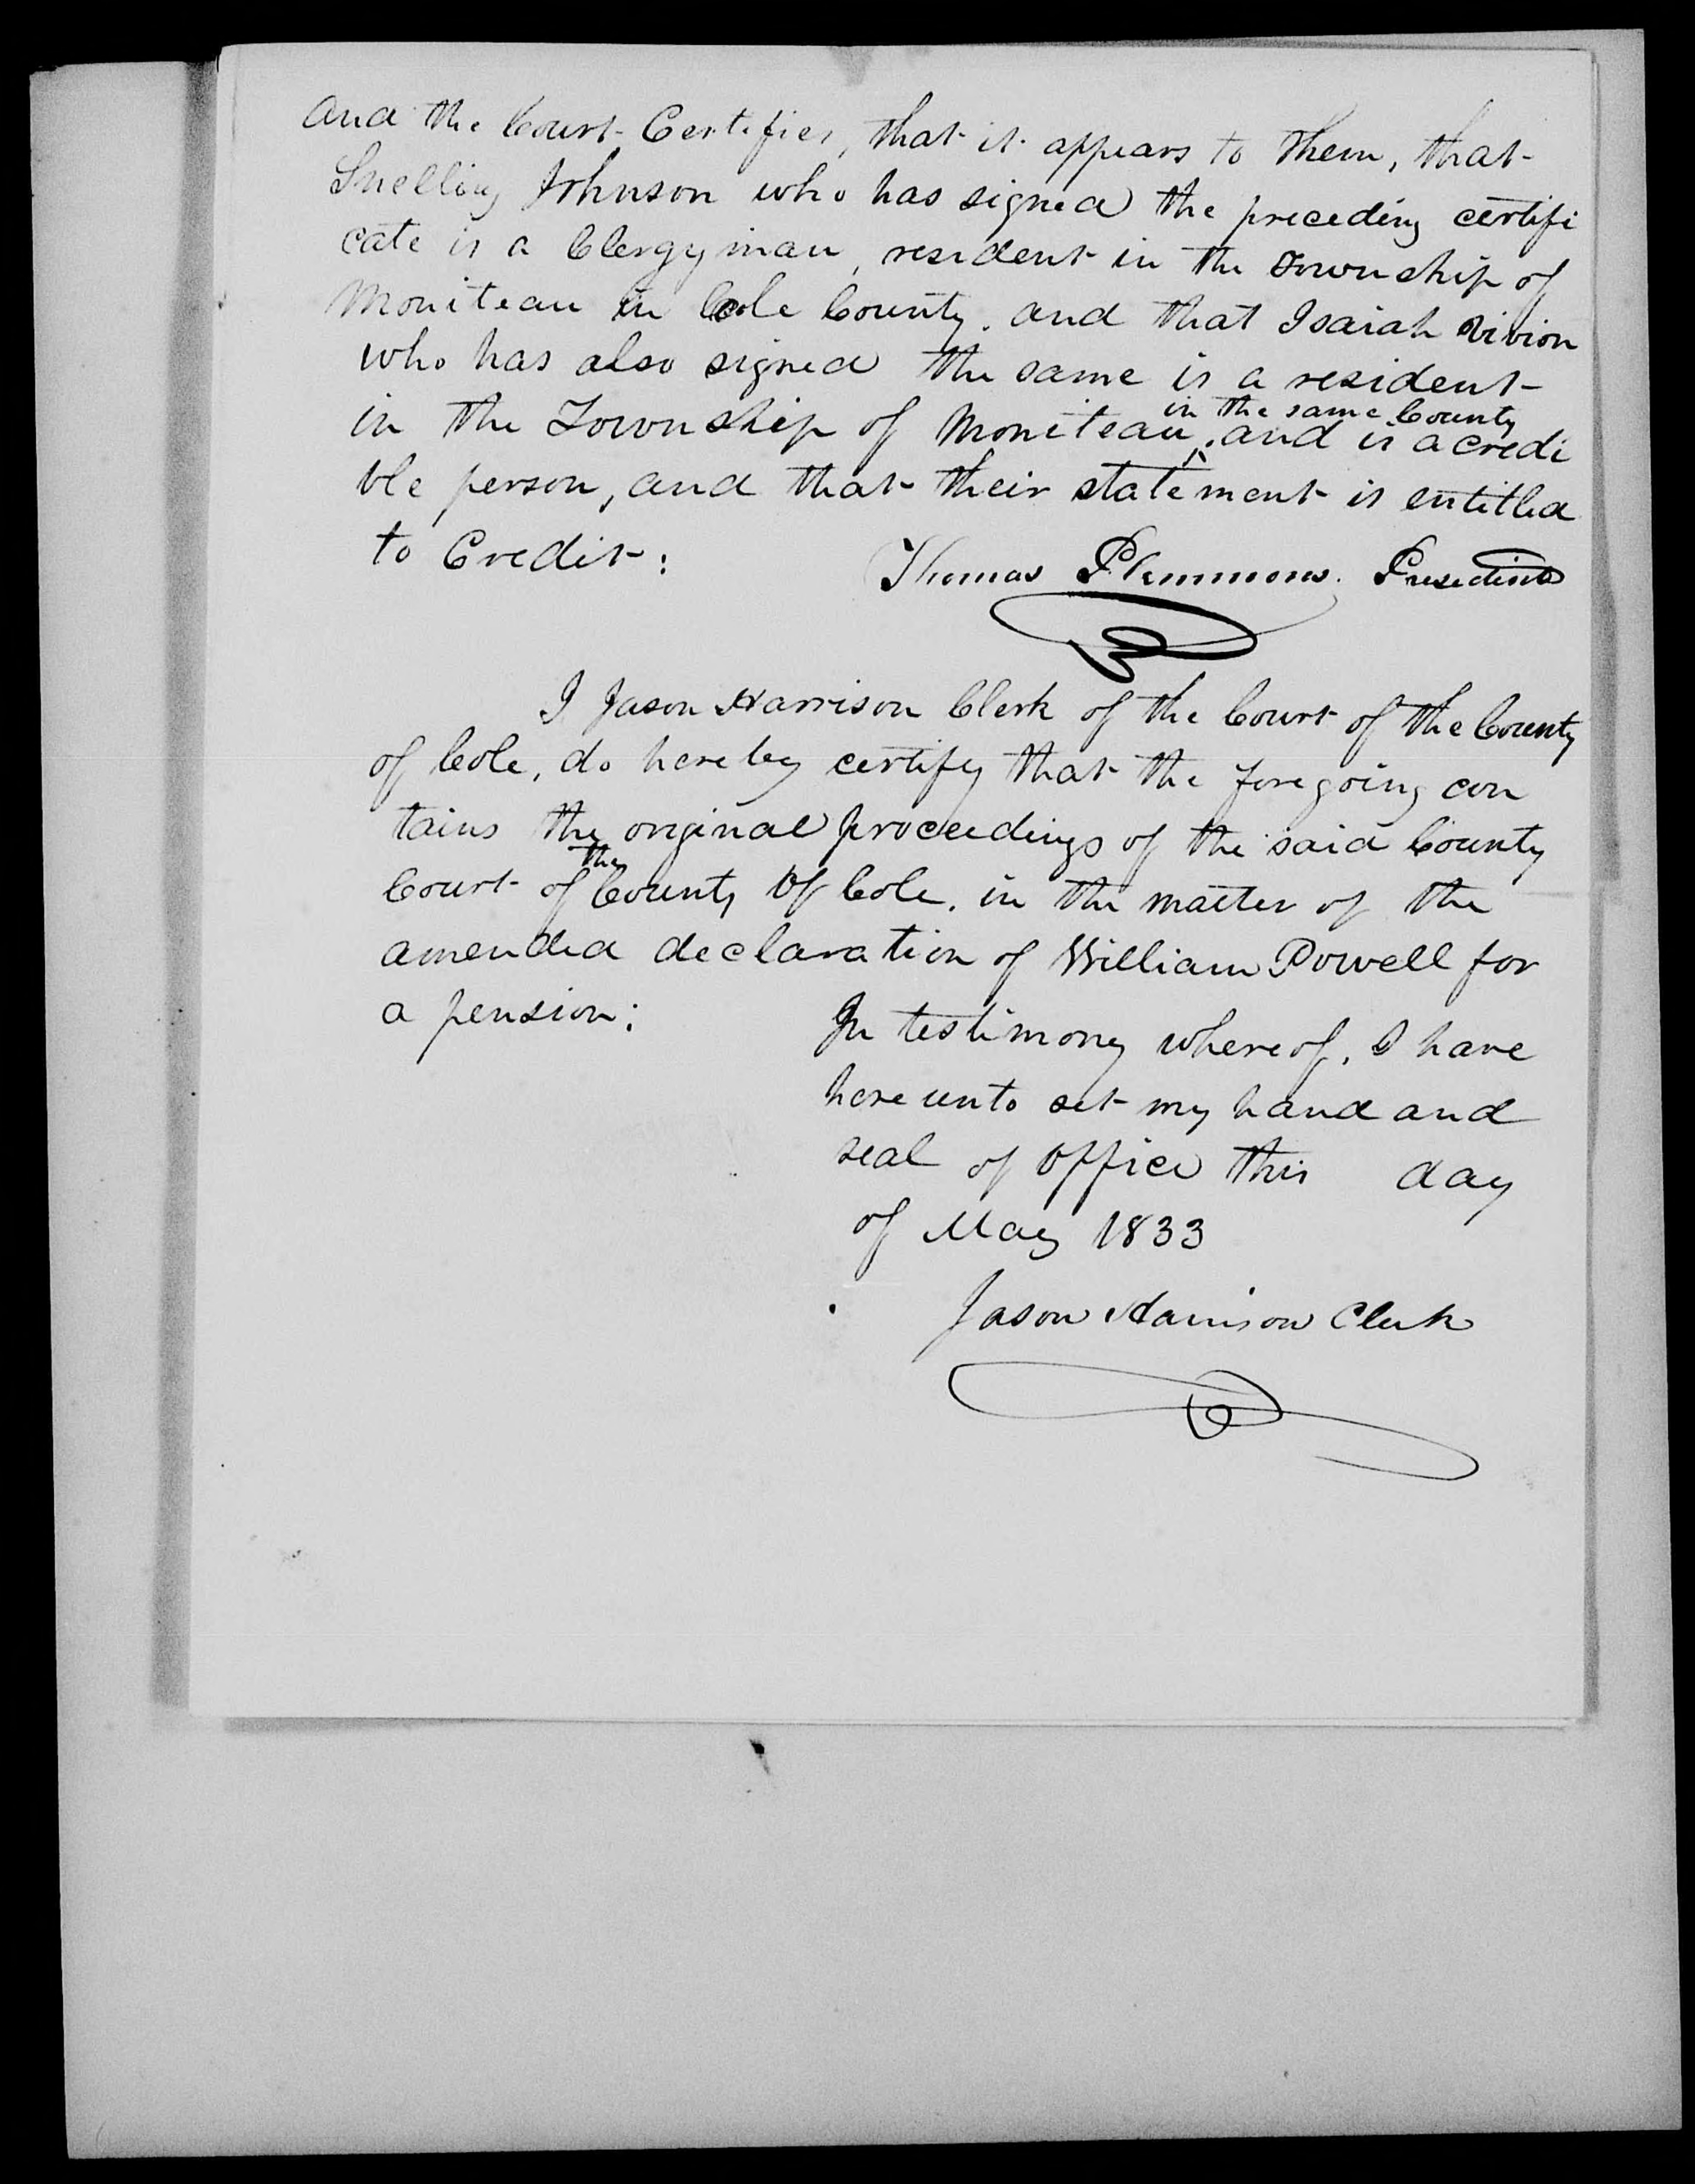and the Court, Certifies, that it appears to them, that Snelling Johnson who has signed the preceding certificate is a Clergyman, resident in the Township of Moniteau in Cole County, and that Isaiah Vivion who has also signed the same is a resident in the Township of Moniteau in the same County, and is a credible person, and that their statement is entitled to credit:
Thomas Plemmons President

I Jason Harrison Clerk of the Court of the County
of Cole, do hereby certify that the foregoing 
contains the original proceedings of the said County Court of the County of Cole, in the matter of the amended declaration of William Powell for a pension:
In testimony whereof, I have
hereunto set my hand and
seal of office this day
of May 1833
Jason Harrison Clerk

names: Snelling Johnson; Isaiah Vivion; Thomas Plemmons; Jason Harrison; William Powell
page: 16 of 19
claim: survivor's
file: S. 17022, for William Powell, North Carolina